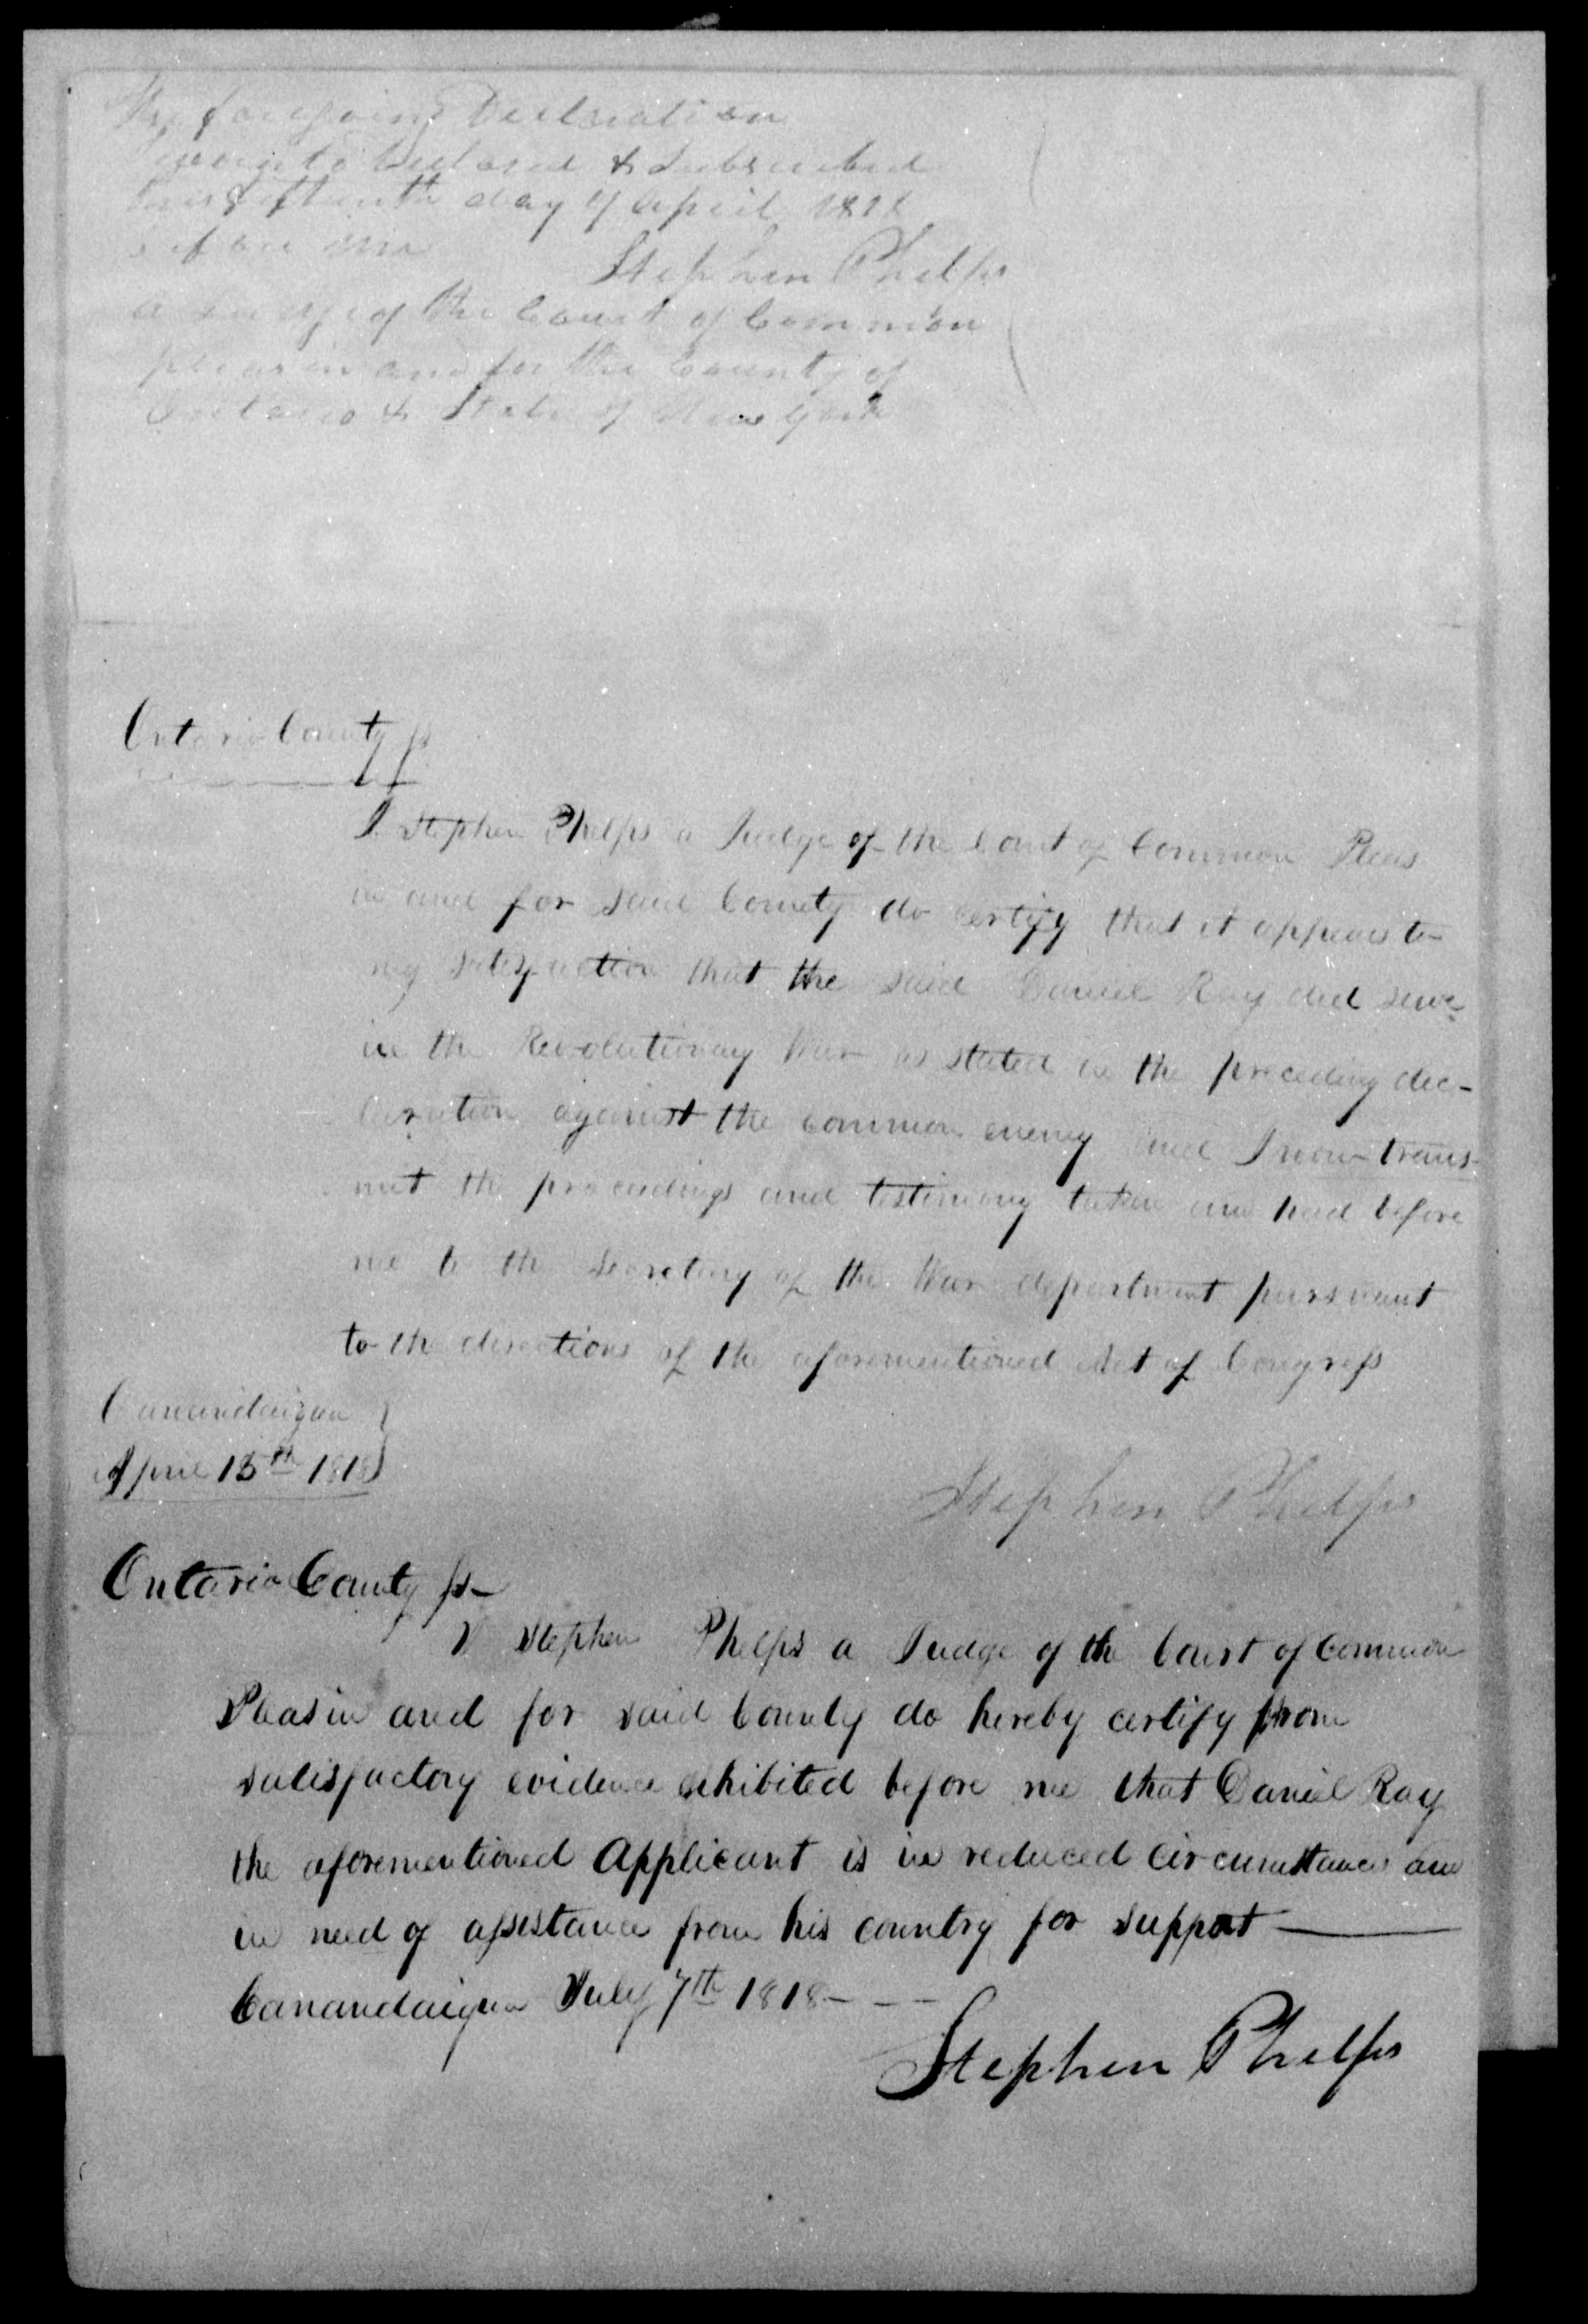Ny foregoing Declaration
Sworn to Declared to Subscribed
this fifteenth day of April 1828
[illegible]  Stephen Phelps
a judge of the Court of Common
Pleas and the County of
Ontario & State of New York

Ontario County
I Stephen Phelps a Judge of the Court of Common Pleas in and for said County do certify that it appears to my inspection that the said Daniel Ray did serve in the Revolutionary War as stated in the preceding declaration against the common enemy and I now transmit the proceedings and testimony taken and had before me to the Secretary of the War Department pursuant to the directions of the aforementioned act of Congress 
Canandaigua
April 15th 1818             Stephen Phelps
Ontario County
I  Stephen Phelps a Judge of the Court of Common Please in and for the said County do hereby certify from satisfactory evidence exhibited before me that Daniel Ray the aforementioned applicant is in reduced circumstances and in need of assistance from his country for support
Canandaigua July 7th 1818
Stephen Phelps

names: Stephen Phelps; Stephen Phelps; Stephen Phelps; Daniel Ray; Stephen Phelps; Daniel Ray; Stephen Phelps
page: 8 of 20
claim: survivor's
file: S. 43891, for Daniel Ray, Connecticut